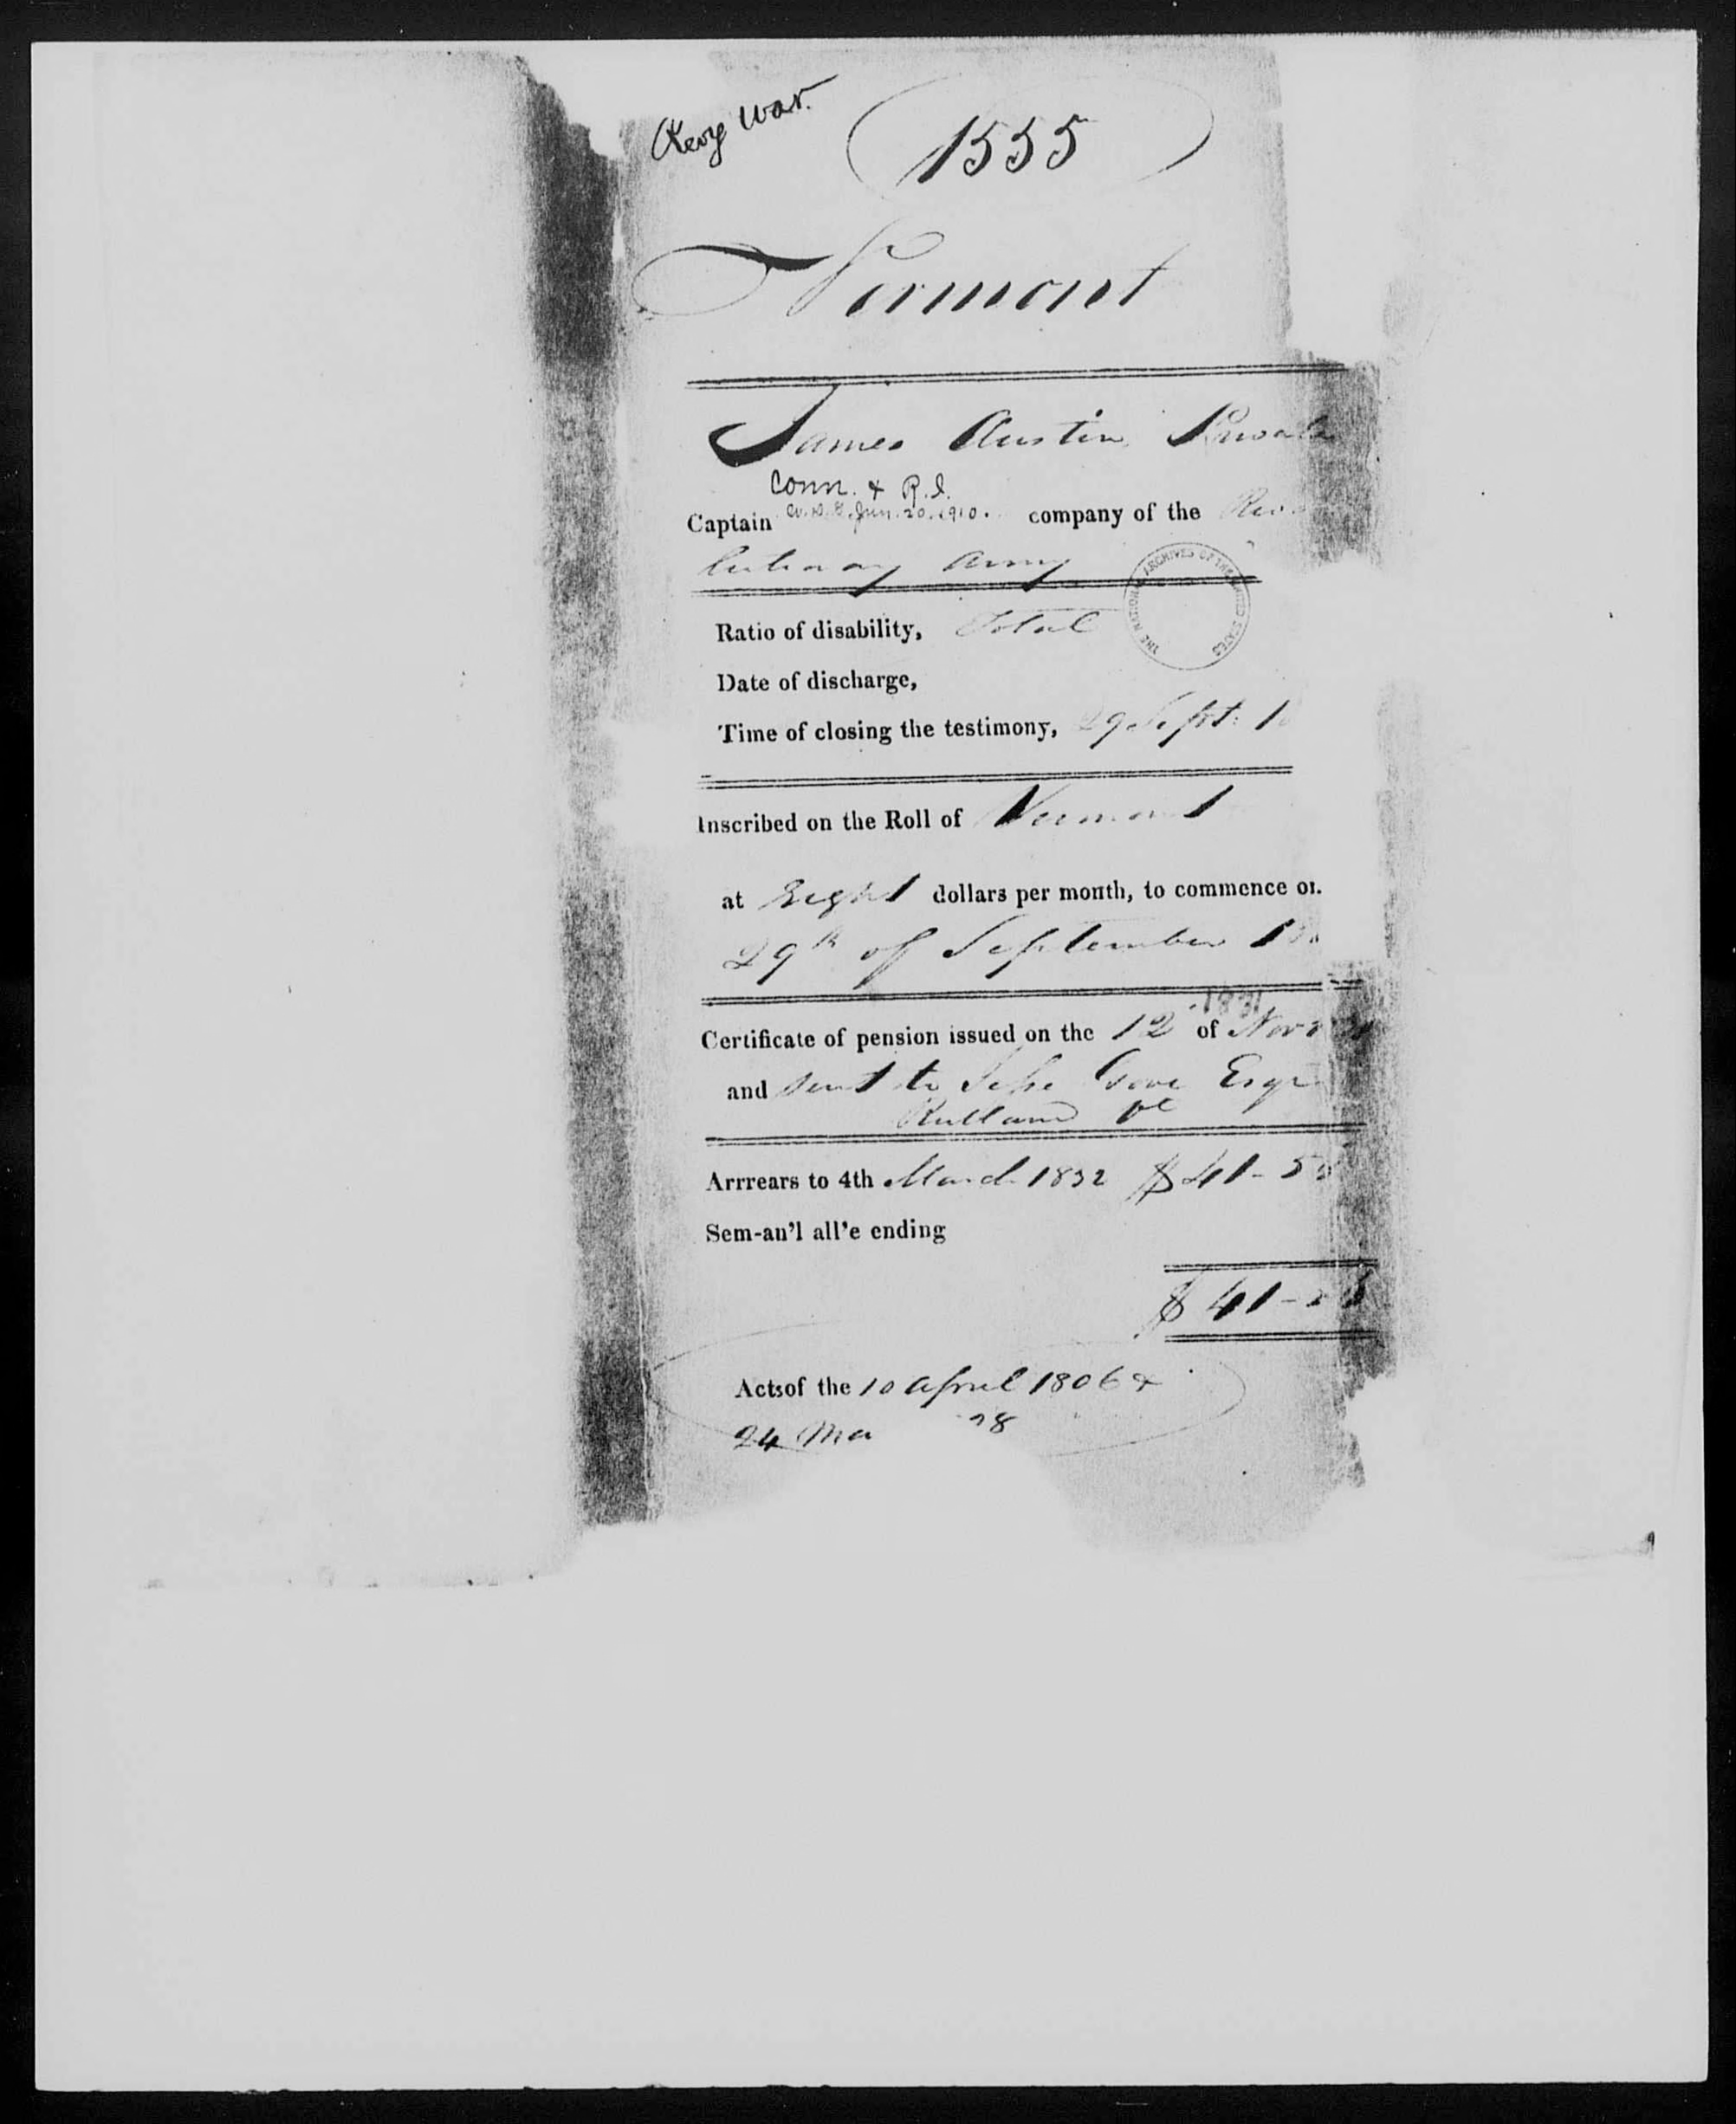Revy war
1555
Vermont

James Austin, Private
Conn & R. I.
[illegible] Jun. 20, 1910
Captain [blank] company of the Revolutionary Army

Ratio of disability, Total
Date of discharge, [blank]
Time of closing the testimony, 29 Sept 1 

Inscribed on the Roll of Vermont
at Eight dollars per month, to commence on 29th of September [illegible]

Certificate of pension issued on the 12 of Nov 1831 and sent to John Gove Esq.
Rutland Vt

Arrears to 4th March 1832 $41.5
Sem-an'l all'e ending
$41.5
[double underline]

Acts of the 10 April 1806 & Ma [illegible]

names: Jesse Ives, James Austin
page: 2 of 100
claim: survivor's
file: S 19186, James Austin, Conn. New York R.I.